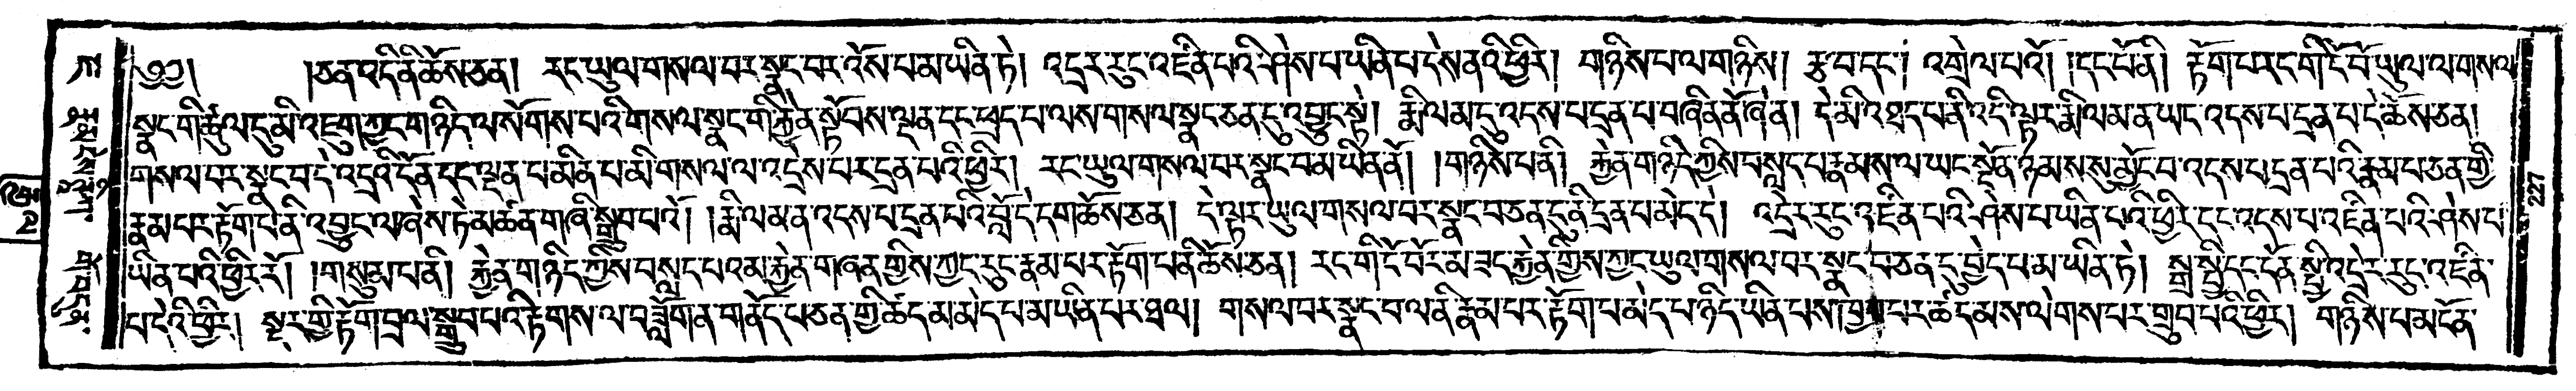༄༅། །ཅན་འདི་ནི་ཆོས་ཅན། རང་ཡུལ་གསལ་བར་སྣང་བར་འོས་པ་མ་ཡིན་ཏེ། འདྲར་རུང་འཛིན་པའི་ཤེས་པ་ཡིན་པ་དེས་ནའི་ཕྱིར། གཉིས་པ་ལ་གཉིས། རྩ་བ་དང་། འགྲེལ་པའོ། །དང་པོ་ནི། རྟོག་པ་རང་གི་ངོ་བོ་ཡུལ་ལ་གསལ་
སྣང་གི་ཚུལ་དུ་མི་འཇུག་ཀྱང་གཉིད་ལ་སོགས་པའི་གསལ་སྣང་གི་རྐྱེན་སྟོབས་ལྡན་དང་ཕྲད་པ་ལས་གསལ་སྣང་ཅན་དུ་འབྱུང་སྟེ། རྨི་ལམ་དུ་འདས་པ་དྲན་པ་བཞིན་ནོ་ཞེ་ན། དེ་མི་འཐད་པ་ནི་འདི་ལྟར་རྨི་ལམ་ན་ཡང་འདས་པ་དྲན་པ་དེ་ཆོས་ཅན།
གསལ་བར་སྣང་བ་དེ་འདྲའི་དོན་དང་ལྡན་པ་མིན་པ་མི་གསལ་ལ་འདྲེས་པར་དྲན་པའི་ཕྱིར། རང་ཡུལ་གསལ་བར་སྣང་བ་མ་ཡིན་ནོ། །གཉིས་པ་ནི། རྐྱེན་གཉིད་ཀྱིས་བསླད་པ་རྣམས་ལ་ཡང་སྔོན་ཉམས་སུ་མྱོང་བ་འདས་པ་དྲན་པའི་རྣམ་པ་ཅན་གྱི་
རྣམ་པར་རྟོག་པ་ནི་འབྱུང་ལ་ཞེས་ཏེ་མཚན་གཞི་སྒྲུབ་པའོ། །རྨི་ལམ་ན་འདས་པ་དྲན་པའི་བློ་དེ་དག་ཆོས་ཅན། དེ་ལྟར་ཡུལ་གསལ་བར་སྣང་བ་ཅན་དུ་ནི་དྲན་པ་མེད་དེ། འདྲེར་རུང་འཛིན་པའི་ཤེས་པ་ཡིན་པའི་ཕྱིར་དང་འདས་པ་འཛིན་པའི་ཤེས་པ་
ཡིན་པའི་ཕྱིར་རོ། །གསུམ་པ་ནི། རྐྱེན་གཉིད་ཀྱིས་བསླད་པའམ་རྐྱེན་གཞན་གྱིས་ཀྱང་རུང་རྣམ་པར་རྟོག་པ་ནི་ཆོས་ཅན། རང་གི་ངོ་བོར་མ་ཟད་རྐྱེན་གྱིས་ཀྱང་ཡུལ་གསལ་བར་སྣང་བ་ཅན་དུ་བྱེད་པ་མ་ཡིན་ཏེ། སྒྲ་སྤྱི་དང་དོན་སྤྱི་འདྲེར་རུང་འཛིན་
པ་དེའི་ཕྱིར། སྔར་གྱི་རྟོག་བྲལ་སྒྲུབ་པའི་རྟགས་ལ་བཟློག་ན་གནོད་པ་ཅན་གྱི་ཚད་མ་མེད་པ་མ་ཡིན་པར་ཐལ། གསལ་བར་སྣང་བ་ལ་ནི་རྣམ་པར་རྟོག་པ་མེད་པ་ཉིད་ཡིན་པས་ཁྱབ་པར་ཚད་མས་ལེགས་པར་གྲུབ་པའི་ཕྱིར། གཉིས་པ་མངོན་